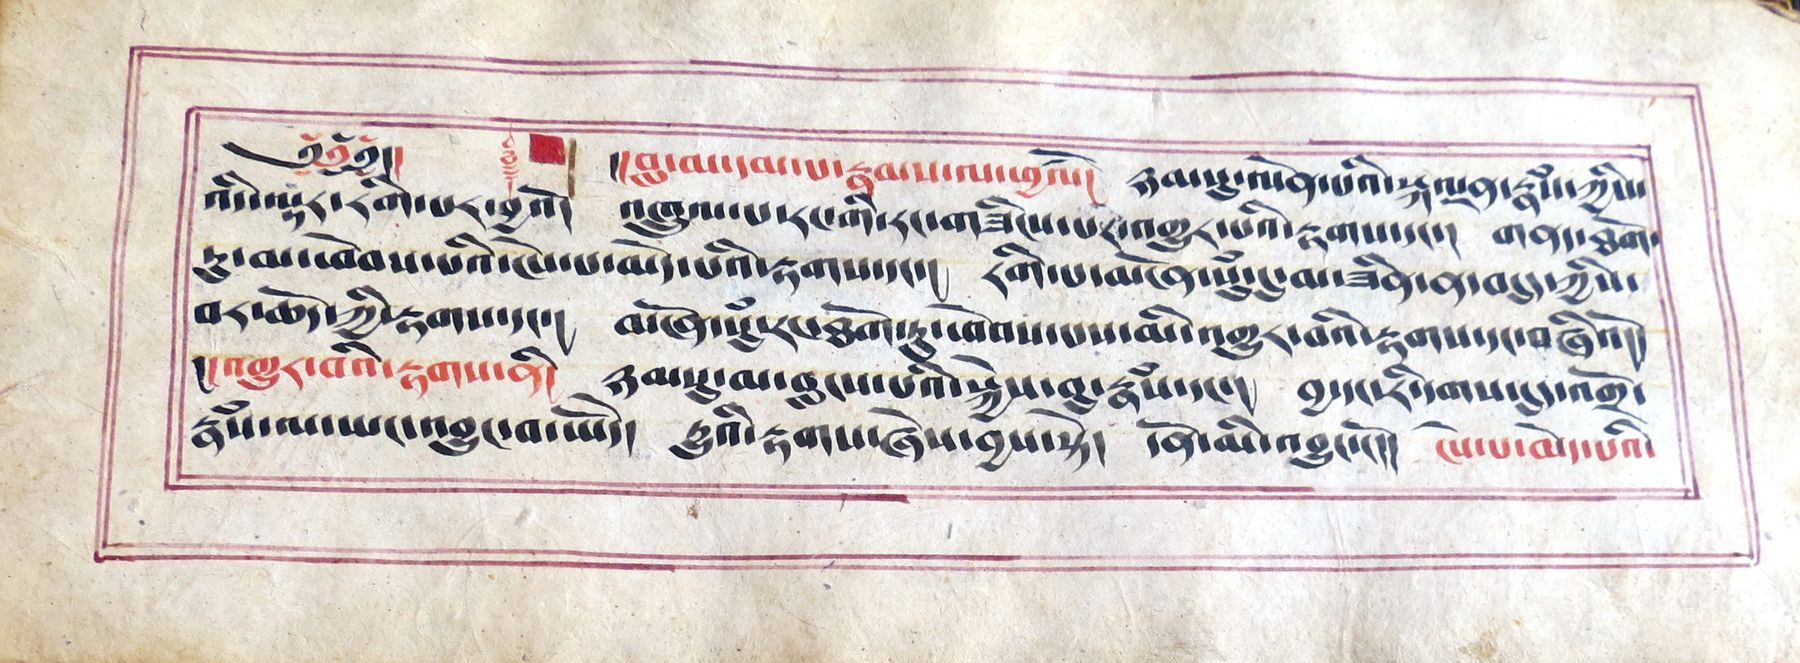བླ་མ་དམ་པ་རྣམས་ལ་ཕྱག་འཚལ་ལོ། །ཉམས་སུ་ལེན་པའི་སྐལ་ལྡན་རྣམས་ཀྱིས་
འདི་ལྟར་རིགས་པར་བྱའོ། །འཁྲུལ་པ་རང་གིས་རང་གཟིངས་པར་འགྱུར་བའི་རྟགས་དང་། གནད་ཐོག་
ཏུ་མ་ཕེབས་པས་ངེས་པ་མེད་པའི་རྟགས་དང་། རིག་པ་མངོན་སུམ་དུ་མ་ཟིན་པས་བདུད་ཀྱི་
བར་ཆོད་ཀྱི་རྟགས་དང་། མངོན་སུམ་རང་ཐོག་ཏུ་ཕེབས་པས། མི་འགྱུར་བའི་རྟགས་དང་བཞིའོ། །
འགྱུར་བའི་རྟགས་ནི། ཉམས་སུ་མ་བླངས་བའི་སྐྱེས་བུ་རྣམས་དང་། བྱ་དང་རི་དྭགས་དུད་འགྲོ་
རྣམས་ལའང་འབྱུང་བ་ཡོད་དེ། རྒྱུའི་རྟགས་ཞེས་བྱ་སྟེ་དོན་མི་འབྱུང་ངོ་། ངེས་པ་མེད་པའི་